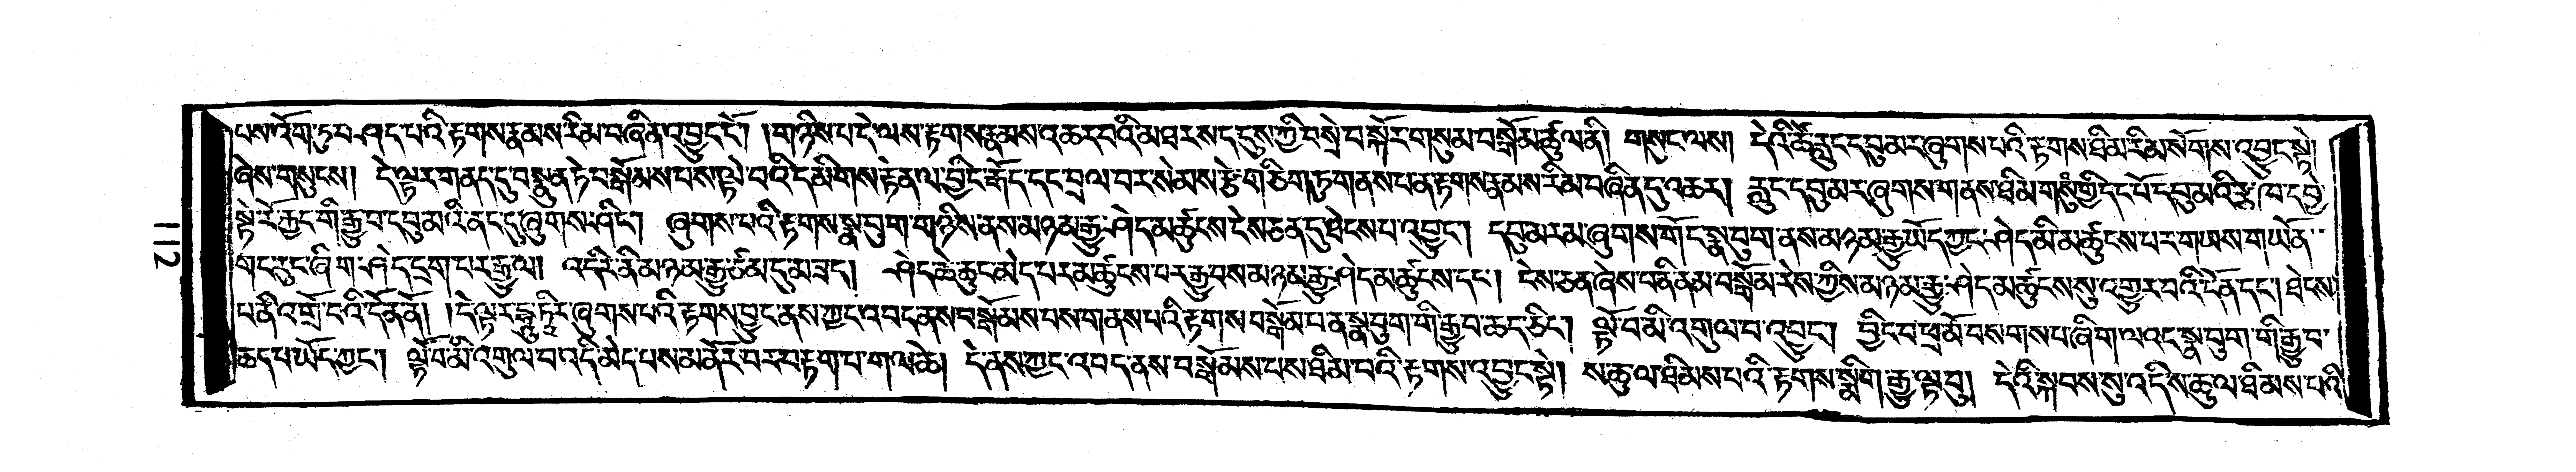པས་འོག་ཏུ་བཤད་པའི་རྟགས་རྣམས་རིམ་བཞིན་འབྱུང་ངོ། །གཉིས་པ་དེ་ལས་རྟགས་རྣམས་འཆར་བའི་མཐར་སད་དུས་ཀྱི་བསྲེ་བ་སྐོར་གསུམ་བསྒོམ་ཚུལ་ནི། གསུང་ལས། དེའི་ཚོ་རླུང་དབུ་མར་ཞུགས་པའི་རྟགས་ཐིམ་རིམ་སོགས་འབྱུང་སྟེ།
ཞེས་གསུངས། དེ་ལྟར་གནད་དུ་བསྣུན་ཏེ་བསྒོམས་པས་ལྟེ་བའི་དམིགས་རྟེན་ལ་བྱིང་རྒོད་དང་བྲལ་བར་སེམས་རྩེ་གཅིག་ཏུ་གནས་པ་ན་རྟགས་རྣམས་རིམ་བཞིན་དུ་འཆར། རླུང་དབུ་མར་ཞུགས་གནས་ཐིམ་གསུམ་གྱི་དང་པོ་དབུ་མའི་རྩ་ཁ་དབྱེ་
སྟེ་རོ་རྐྱང་གི་རྒྱུ་བ་དབུ་མའི་ནང་དུ་ཞུགས་ཤིང་། ཞུགས་པའི་རྟགས་སྣ་བུག་གཉིས་ནས་མཉམ་རྒྱུ་ཤེད་མཚུངས་ངེས་ཅན་དུ་ཐེངས་པ་འབྱུང་། དབུ་མར་མ་ཞུགས་གོང་སྨ་བུག་ནས་མཉམ་རྒྱུ་ཡོད་ཀྱང་ཤེད་མི་མཚུངས་པར་གཡས་གཡོན་
གང་རུང་ཞིག་ཤེད་དྲག་པར་རྒྱུ་ལ། འདིར་ནི་མཉམ་རྒྱུ་ཙམ་དུ་མ་ཟད། ཤེད་ཆེ་ཆུང་མེད་པར་མཚུངས་པར་རྒྱུ་བས་མཉམ་རྒྱུ་ཤེད་མཚུངས་དང་། ངེས་ཅན་ཞེས་པ་ནི་ནམ་བསྒོམ་རེས་ཀྱིས་མཉམ་རྒྱུ་ཤེད་མཚུངས་སུ་འགྱུར་པའི་དོན་དང་། ཐེངས་
པ་ནི་འགྲོ་བའི་དོན་ནོ། །དེ་ལྟར་དྷཱུ་ཏཱིར་ཞུགས་པའི་རྟགས་བྱུང་ནས་ཀྱང་འབད་ནས་བསྒོམས་པས་གནས་པའི་རྟགས་བསྒོམ་པ་ན་སྣ་བུག་གི་རྒྱུ་བ་ཆད་ཅིང་། ལྟོ་བ་མི་འགུལ་བ་འབྱུང་། བྱིང་བ་ཕྲ་མོ་བསགས་པ་ཞིག་ལའང་སྣ་བུག་གི་རྒྱུ་བ་
ཆད་པ་ཡོད་ཀྱང་། ལྟོ་བ་མི་འགུལ་བ་འདི་མེད་པས་མ་ནོར་བར་བརྟག་པ་གལ་ཆེ། དེ་ནས་ཀྱང་འབད་ནས་བསྒོམས་པས་ཐིམས་པའི་རྟགས་འབྱུང་སྟེ། ས་ཆུ་ལ་ཐིམས་པའི་རྟགས་སྨིག་རྒྱུ་ལྟ་བུ། དེའི་སྐབས་སུ་འདི་ས་ཆུ་ལ་ཐིམས་པའི་